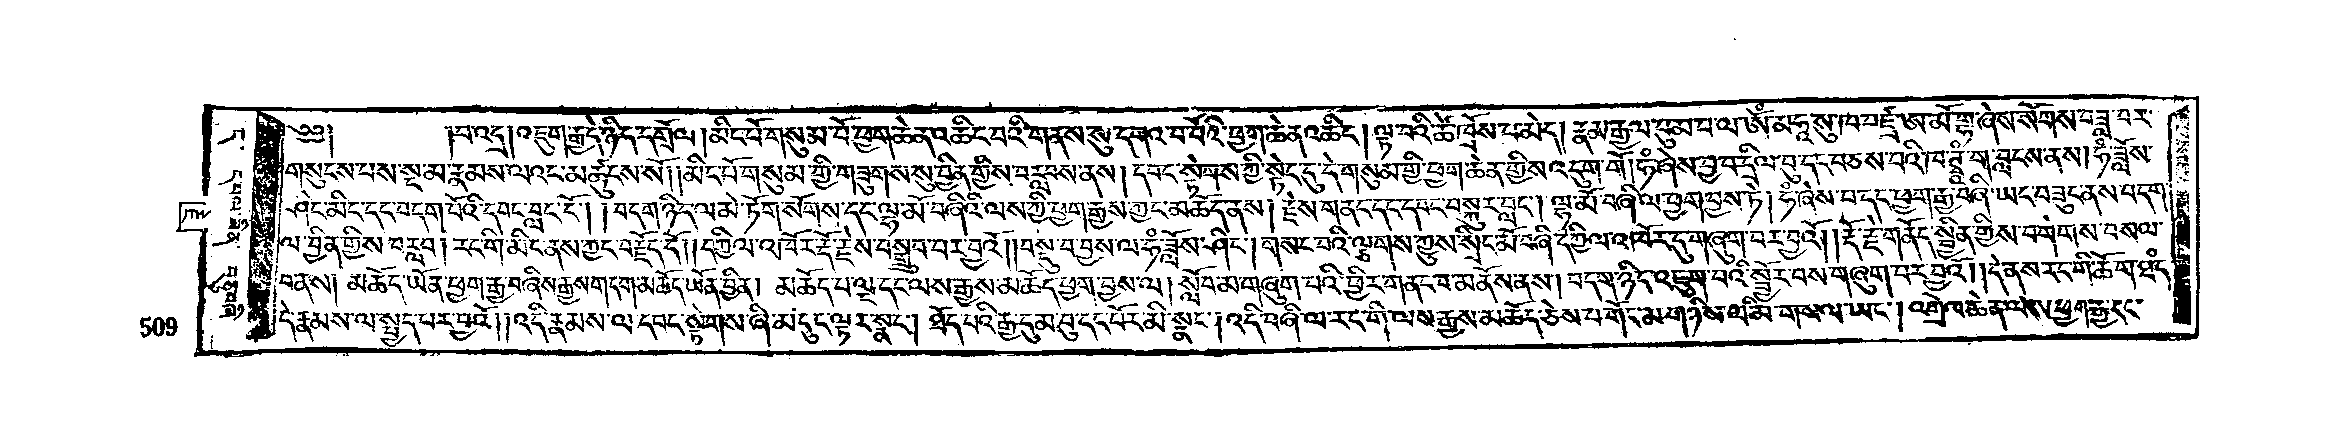༄༅། །པ་འདྲ། འཇུག་རྒྱ་དེ་ཉིད་དགྲོལ་། མིང་པོ་གསུམ་པོ་ཕྱག་ཆེན་འཆིང་བའི་གནས་སུ་དགའ་བ་བོའི་ཕྱག་ཆེན་འཆིང་། ལྟ་བའི་ཚེ་ཁྲོས་པ་མེད། རྣམ་རྒྱལ་བུམ་པ་ལ་ཨོཾ་མཧཱ་སུ་ཁ་བཛྲ་ཨ་མོ་གྷ་ཞེས་སོགས་བཟླ་བར་
གསུངས་པས་སྔ་མ་རྣམས་ལའང་མཚུངས་སོ། །མིང་པོ་གསུམ་གྱི་གཟུགས་སུ་བྱིན་གྱིས་བརླབས་ནས། དབང་སྟེགས་ཀྱི་སྟེང་དུ་དེ་གསུམ་གྱི་ཕྱག་ཆེན་གྱིས་འདུག་གོ །ཧཾ་ཞེས་བྱ་བ་དྲིལ་བུ་དང་བཅས་པའི་ཁ་ཊྭཱཾ་ག་བླངས་ནས། ཧཾ་ཟློས་
ཤིང་མིང་དང་བདག་པོའི་དབང་བླང་ངོ། །བདག་ཉིད་ལ་མེ་ཏོག་སོགས་དང་ལྷ་མོ་བཞིའི་ལས་ཀྱི་ཕྱག་རྒྱས་ཀྱང་མཆོད་ནས། རྗེས་གནང་དང་དབང་བསྐུར་བླང་། ལྷ་མོ་བཞི་ལ་ཕྱག་བྱས་ཏེ། ཧཾ་ཞེས་པ་དང་ཕྱག་རྒྱ་བཞི་ཡང་བཟུང་ནས་བདག་
ལ་བྱིན་གྱིས་བརླབ། རང་གི་མིང་ནས་ཀྱང་བརྗོད་དོ། །དཀྱིལ་འཁོར་རྡོ་རྗེས་བསྒྲུབ་པར་བྱའོ། །བསྡུ་བ་བྱས་ལ་ཧཾ་ཟློས་ཤིང་། གསང་བའི་ལྕགས་ཀྱུས་སྲིང་མོ་བཞི་དཀྱིལ་འཁོར་དུ་གཞུག་པར་བྱའོ། །རྡོ་རྗེ་གནོད་སྦྱིན་གྱིས་བགེགས་བསལ་
བ་ནས། མཆོད་ཡོན་ཕྱག་རྒྱ་བཞིས་རྒྱས་གདག་མཆོད་ཡོན་བྱིན། མཆོད་པ་ལྔ་དང་ལས་རྒྱས་མཆོད་ཕྱག་བྱས་ལ། སློབ་མ་གཞུག་པའི་ཕྱིར་གནང་བ་མནོས་ནས། བདག་ཉིད་འཇུག་པའི་སྦྱོར་བས་གཞུག་པར་བྱའོ། །དེ་ནས་རང་གི་ཆོས་ཐམས་ཅད་
དེ་རྣམས་ལ་སྤྱད་པར་བྱའོ། །འདི་རྣམས་ལ་དབང་སྟེགས་ཞི་མདུང་ལྟར་སྣང་། ཐོད་པའི་རྒྱ་དུམ་བུ་དང་པོར་མི་སྣང་། འདི་བཞི་ལ་རང་གི་ལས་རྒྱས་མཆོད་ཅེས་པ་གོང་མ་གཉིས་ལ་མི་གསལ་ཡང་། འགྲེལ་ཆེན་ལས་ཕྱག་རྒྱ་དང་